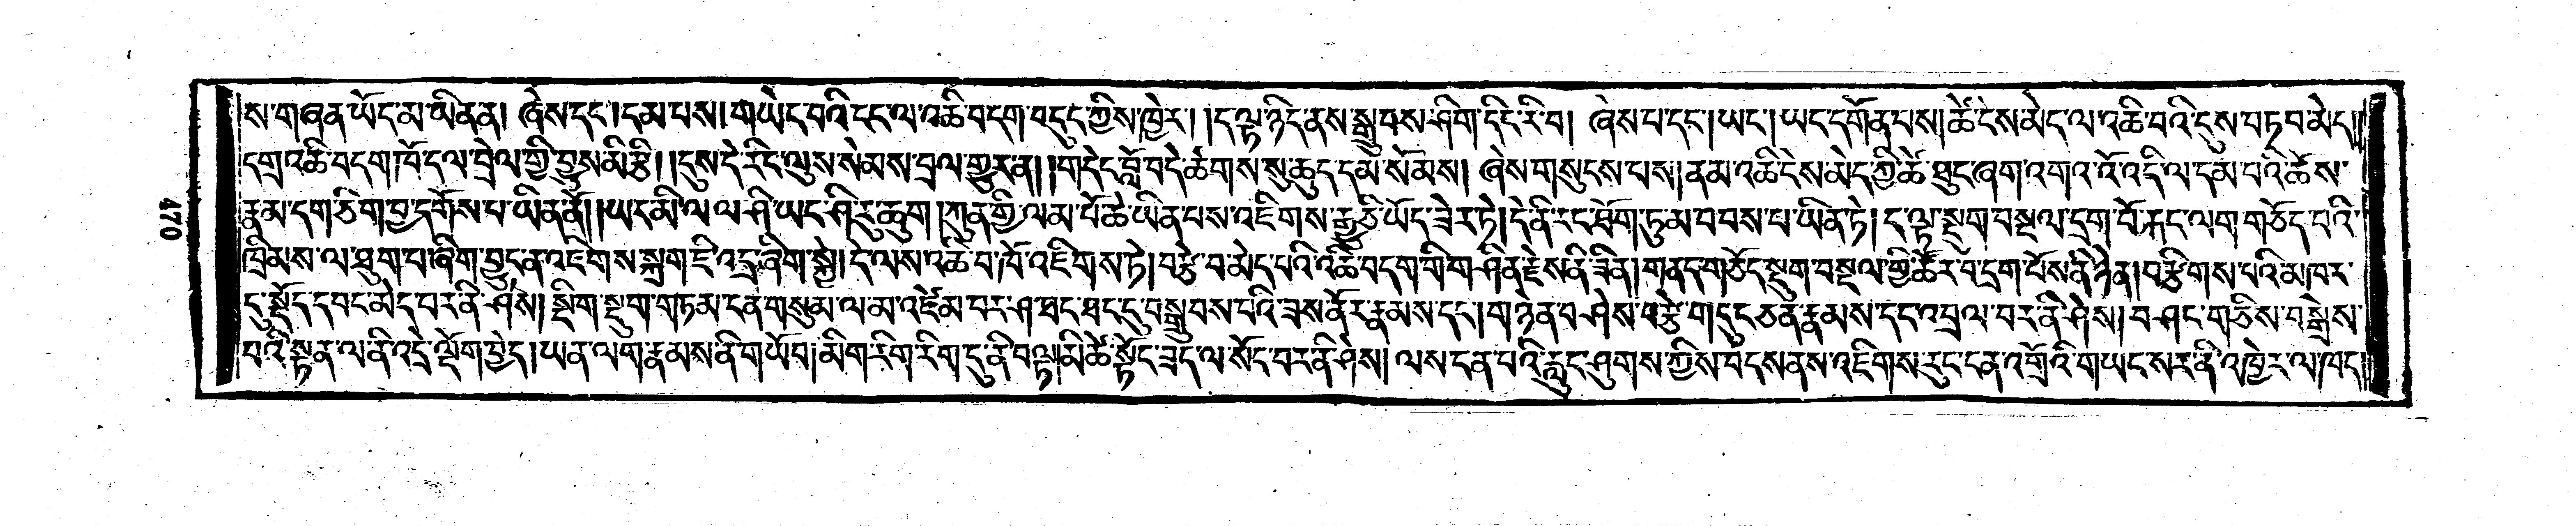ས་གཞན་ཡོད་མ་ཡིན་ན། ཞེས་དང་། དམ་པས། གཡེང་བའི་རང་ལ་འཆི་བདག་བདུད་ཀྱིས་ཁྱེར། །ད་ལྟ་ཉིད་ནས་སྒྲུབས་ཤིག་དིང་རི་བ། ཞེས་པ་དང་། ཡང་། ཡང་དགོན་པས། ཚེ་ངེས་མེད་ལ་འཆི་བའི་དུས་བཏབ་མེད།།
དགྲ་འཆི་བདག་ཁོ་དལ་བྲེལ་གྱི་བྱུས་མི་རྩི། །དུས་དེ་རིང་ལུས་སེམས་བྲལ་གྱུར་ན། །གདེང་བློ་བདེ་ཚགས་སུ་ཆུད་དམ་སོམས། ཞེས་གསུངས་པས། ནམ་འཆི་ངེས་མེད་ཀྱི་ཚེ་ཐུང་ཞག་འགའ་འོ་འདི་ལ་དམ་པའི་ཆོས་
རྣམ་དག་ཅིག་བྱ་དགོས་པ་ཡིན་ནོ། །ཡང་མི་ལ་ལ་ཤི་ཡང་ཤི་རུ་ཆུག །ཀུན་གྱི་ལམ་པོ་ཆེ་ཡིན་པས་འཇིགས་རྒྱུ་ཅི་ཡོད་ཟེར་ཏེ། དེ་ནི་རང་ཐོག་ཏུ་མ་བབས་པ་ཡིན་ཏེ། དེ་ལྟ་སྡུག་བསྔལ་དྲག་པོ་རྐང་ལག་གཅོད་པའི་
ཁྲིམས་ལ་ཐུག་པ་ཞིག་བྱུང་ན་འཇིགས་སྐྲག་ཇི་འདྲ་ཞིག་སྐྱེ། དེ་ལས་འཆི་བ་ཁོ་འཇིགས་ཏེ། བརྩེ་བ་མེད་པའི་འཆི་བདག་གི་གཤིན་རྗེས་ནི་ཟིན། གནད་གཅོད་སྡུག་བསྔལ་གྱི་ཚོར་བ་དྲག་པོས་ནི་ཉེན། བརྩིགས་པའི་མཁར་
དུ་སྡོད་དབང་མེད་པར་ནི་ཤེས། སྡིག་སྡུག་གཏམ་ངན་གསུམ་ལ་མ་འཛེམ་པར་ཤ་ཐང་ཐང་དུ་བསྒྲུབས་པའི་ཟས་ནོར་རྣམས་དང་། གཉེན་བཤེས་བརྩེ་གདུང་ཅན་རྣམས་དང་འབྲལ་བར་ནི་ཤེས། བཤང་གཅིས་བསྒྲེས་
པའི་སྟན་ལ་ནི་འདྲེ་ལྡོག་བྱེད། ཡན་ལག་རྣམས་ནི་གཡོབ། མིག་རིག་རིག་དུ་ནི་བལྟ། མི་ཚེ་སྟོང་ཟད་ལ་སོང་བར་ནི་ཤེས། ལས་ངན་པའི་རླུང་ཤུགས་ཀྱིས་བདས་ནས་འཇིགས་རུང་ངན་འགྲོའི་གཡང་སར་ནི་འཁྱེར་ལ་ཁད།